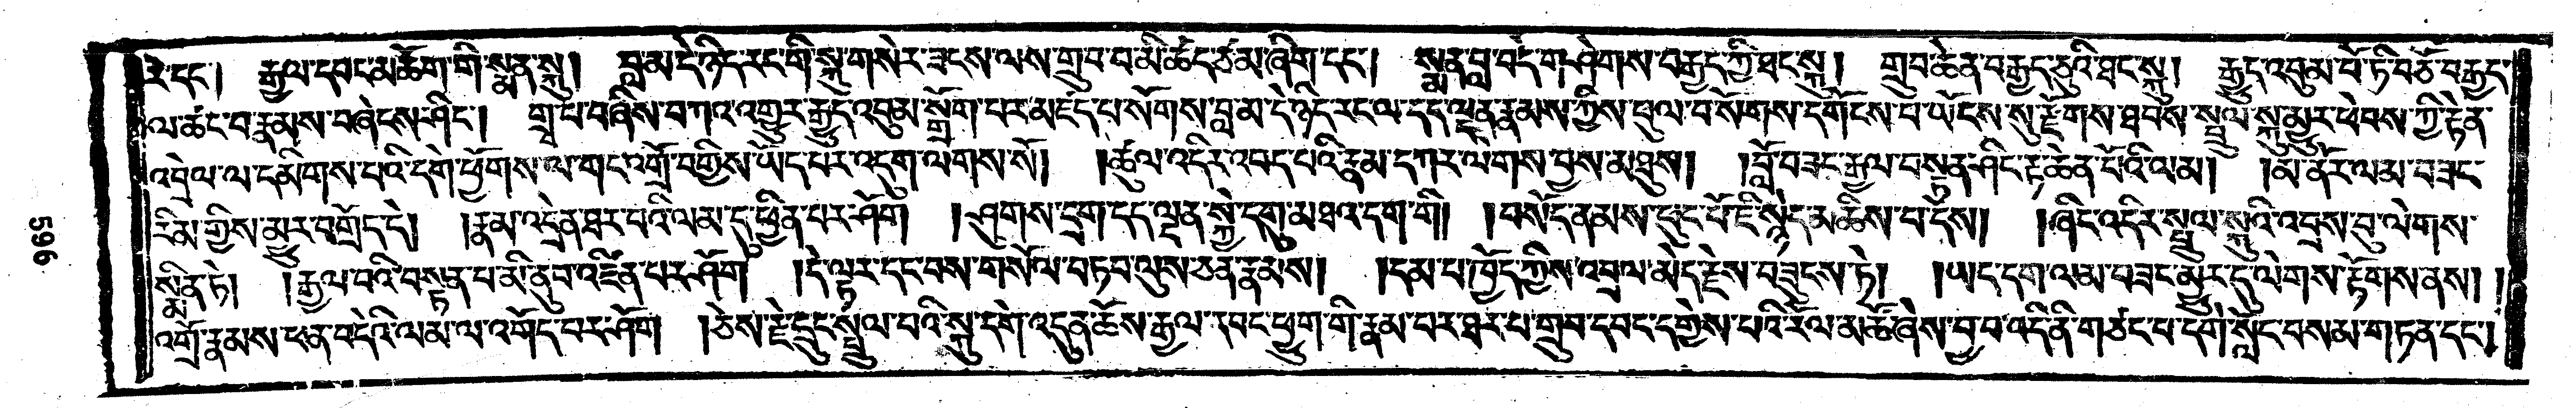རེ་དང་། རྒྱལ་དབང་མཆོག་གི་སྨན་སྐུ། བླ་མ་དེ་ཉིད་རང་གི་སྐུ་གསེར་ཟངས་ལས་གྲུབ་བ་མི་ཚད་ཙམ་ཞིག་དང་། སྨན་བླ་བདེ་གཤེགས་བརྒྱད་ཀྱི་ཐང་སྐུ། གྲུབ་ཆེན་བརྒྱད་ཅུའི་ཐང་སྐུ། རྒྱུད་འབུམ་པོ་ཏི་བཅོ་བརྒྱད་
ལ་ཚང་བ་རྣམས་བཞེངས་ཤིང་། གྲྭ་པ་བཞིས་བཀའ་འགྱུར་རྒྱུད་འབུམ་སྒྲོག་པར་མཛད་པ་སོགས་བླ་མ་དེ་ཉིད་རང་ལ་དད་ལྡན་རྣམས་ཀྱིས་ཕུལ་བ་སོགས་དགོངས་པ་ཡོངས་སུ་རྫོགས་ཐབས་སྤྲུལ་སྐུ་མྱུར་ཕེབས་ཀྱི་རྟེན་
འབྲེལ་ལ་དམིགས་པའི་དགེ་ཕྱོགས་ལ་གང་འགྲོ་བགྱིས་ཡོད་པར་འདུག་ལགས་སོ། །ཚུལ་འདིར་འབད་པའི་རྣམ་དཀར་ལེགས་བྱས་མཐུས། །བློ་བཟང་རྒྱལ་བསྟན་ཤིང་རྟ་ཆེན་པོའི་ལམ། །མ་ནོར་ལམ་བཟང་
རིམ་གྱིས་མྱུར་བགྲོད་དེ། །རྣམ་འདྲེན་ཐར་བའི་ལམ་དུ་ཕྱིན་པར་ཤོག། །ཤུགས་དྲག་དད་ལྡན་སྐྱེ་དགུ་མཐའ་དག་གི། །བསོད་ནམས་ཕུང་པོ་ཇི་སྙེད་མཆིས་པ་དས། །ཞིང་འདིར་སྤྲུལ་སྐུའི་འབྲས་བུ་ལེགས་
སྨིན་ཏེ། །རྒྱལ་བའི་བསྟན་པ་མི་ནུབ་འཛིན་པར་ཤོག །དེ་ལྟར་དང་བས་གསོལ་བཏབ་ལུས་ཅན་རྣམས། །དམ་པ་ཁྱོད་ཀྱིས་འབྲལ་མེད་རྗེས་བཟུངས་ཏེ། །ཡང་དག་ལམ་བཟང་མྱུར་དུ་ལེགས་རྟོགས་ནས། །
འགྲོ་རྣམས་ཕན་བདེའི་ལམ་ལ་འགོད་པར་ཤོག །ཅེས་རྗེ་དྲུང་སྤྲུལ་པའི་སྐུ་དགེ་འདུན་ཆོས་རྒྱལ་དབང་ཕྱུག་གི་རྣམ་པར་ཐར་པ་གྲུབ་དབང་དགྱེས་པའི་རོལ་མཚོ་ཞེས་བྱ་བ་འདི་ནི་གཙང་པ་དགེ་སློང་བསམ་གཏན་དང་།